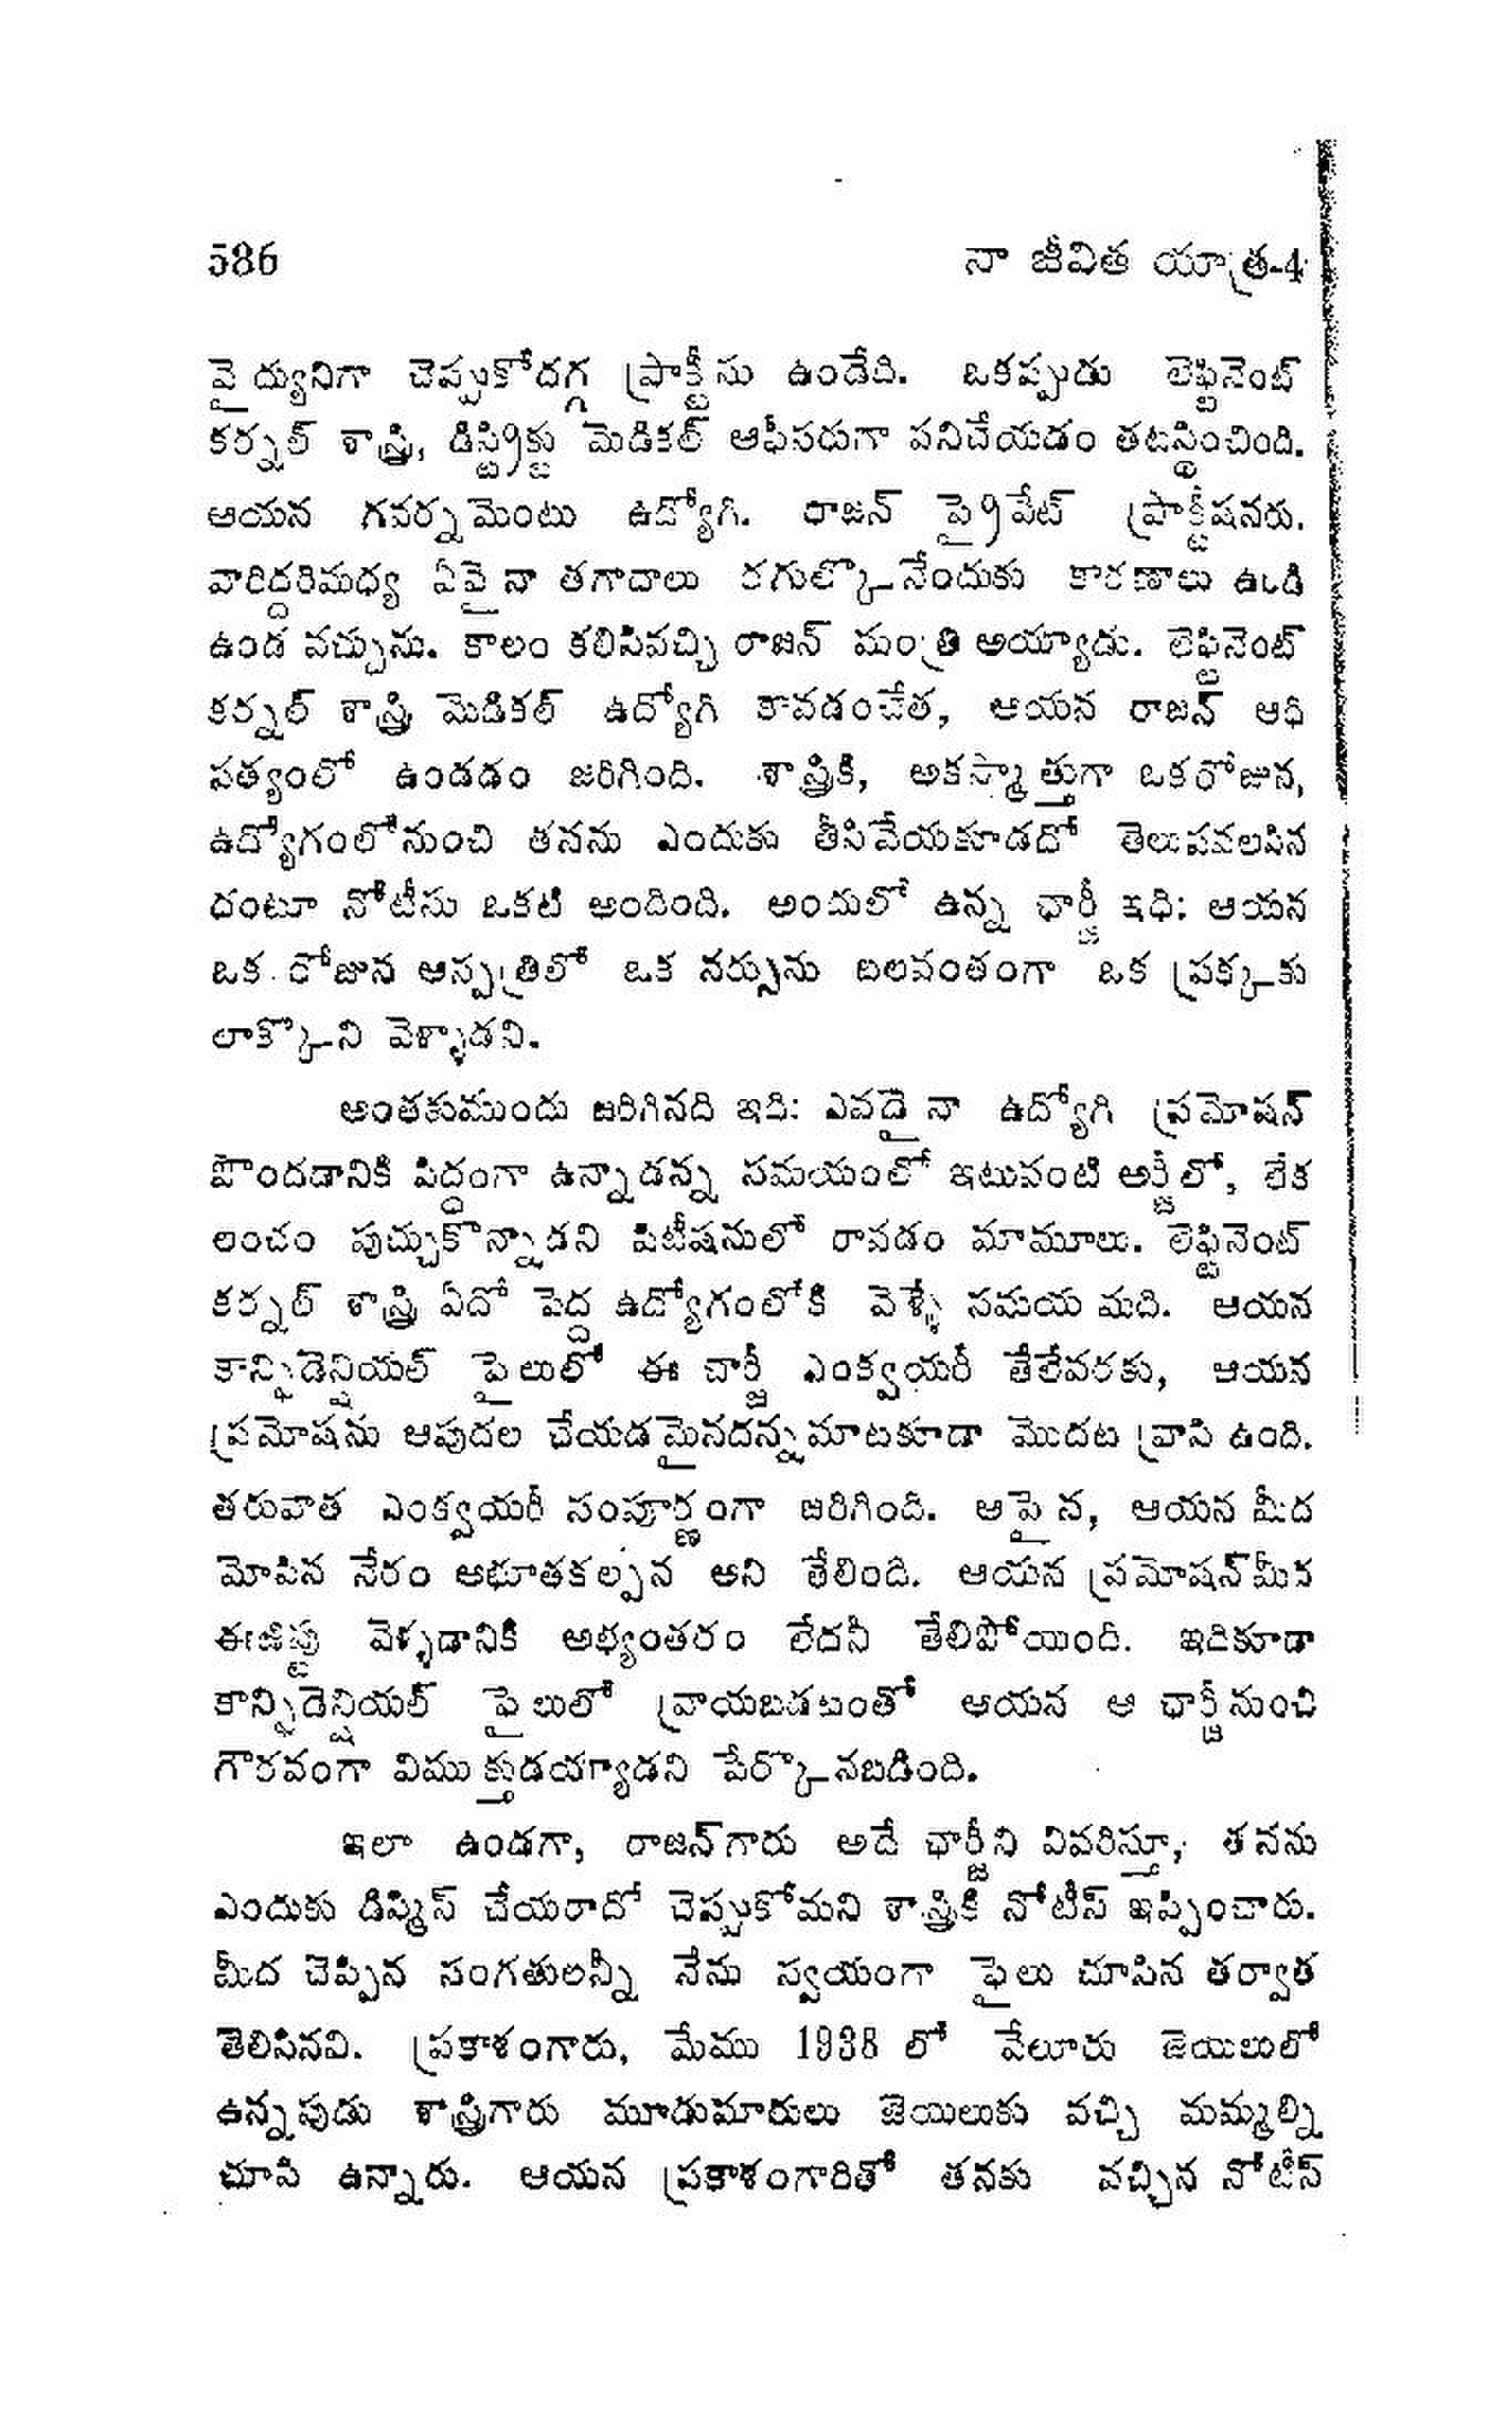వైద్యునిగా చెప్పకోదగ్గ ప్రాక్టీసు ఉండేది. ఒకప్పుడు లెప్టినెంట్ కర్నల్ శాస్త్రి, డిస్ట్రిక్టు మెడికల్ ఆఫీసరుగా పనిచేయడం తటస్థించింది. ఆయన గవర్నమెంటు ఉద్యోగి, రాజన్ ప్రైవేట్ ప్రాక్టీషనరు. వారిద్దరిమధ్య ఏవైనా తగాదాలు రగుల్కొనేందుకు కారణాలు ఉండి ఉండ వచ్చును. కాలం కలిసివచ్చి రాజన్ మంత్రి అయ్యాడు. లెఫ్టినెంట్ కర్నల్ శాస్త్రి మెడికల ఉద్యోగి కావడంచేత, ఆయన రాజన్ ఆధిపత్యంలో ఉండడం జరిగింది. శాస్త్రికి, అకస్మాత్తుగా ఒకరోజున, ఉద్యోగంలో నుంచి తనను ఎందుకు తీసివేయకూడదో తెలుపవలసిన దంటూ నోటీసు ఒకటి అందింది. అందులో ఉన్న ఛార్జీ ఇది: ఆయన ఒక రోజున ఆస్పత్రిలో ఒక నర్సును బలవంతంగా ఒక ప్రక్కకు లాక్కొని వెళ్ళాడని.

అంతకుముందు జరిగినది ఇది: ఎవడైనా ఉద్యోగి ప్రమోషన్ పొందడానికి సిద్ధంగా ఉన్నా డన్న సమయంలో ఇటువంటి అర్జీలో, లేక లంచం పుచ్చుకొన్నాడని పిటీషనులో రావడం మామూలు. లెఫ్టినెంట్ కర్నల్ శాస్త్రి ఏదో పెద్ద ఉద్యోగంలోకి వెళ్ళే సమయ మది. ఆయన కాన్ఫిడెన్షియల్ పైలులో ఈ చార్జీ ఎంక్వయిరీ తేలేవరకు, ఆయన ప్రమోషను ఆపుదల చేయడ మైనదన్నమాటకూడా మొదట వ్రాసి ఉంది. తరువాత ఎంక్వయరీ సంపూర్ణంగా జరిగింది. ఆపైన, ఆయన మీద మోపిన నేరం అభూతకల్పన అని తేలింది. ఆయన ప్రమోషన్‌మీద ఈజిప్టు వెళ్ళడానికి అభ్యంతరం లేదనీ తేలిపోయింది. ఇదికూడా కాన్పిడెన్షియల్ పైలులో వ్రాయ బడటంతో ఆయన ఆ ఛార్జీనుంచి గౌరవంగా విముక్తుడయ్యాడని పేర్కొనబడింది.

ఇలా ఉండగా, రాజన్‌గారు అదే ఛార్జీని వివరిస్తూ, తనను ఎందుకు డిస్మిస్ చేయరాదో చెప్పుకోమని శాస్త్రికి నోటీస్ ఇప్పించారు. మీద చెప్పిన సంగతులన్నీ నేను స్వయంగా ఫైలు చూసిన తర్వాత తెలిసినవి. ప్రకాశంగారు, మేము 1938 లో వేలూరు జెయిలులో ఉన్నపుడు శాస్త్రిగారు మూడుమారులు జెయిలుకు వచ్చి మమ్మల్ని చూసి ఉన్నారు. ఆయన ప్రకాశంగారితో తనకు వచ్చిన నోటీస్